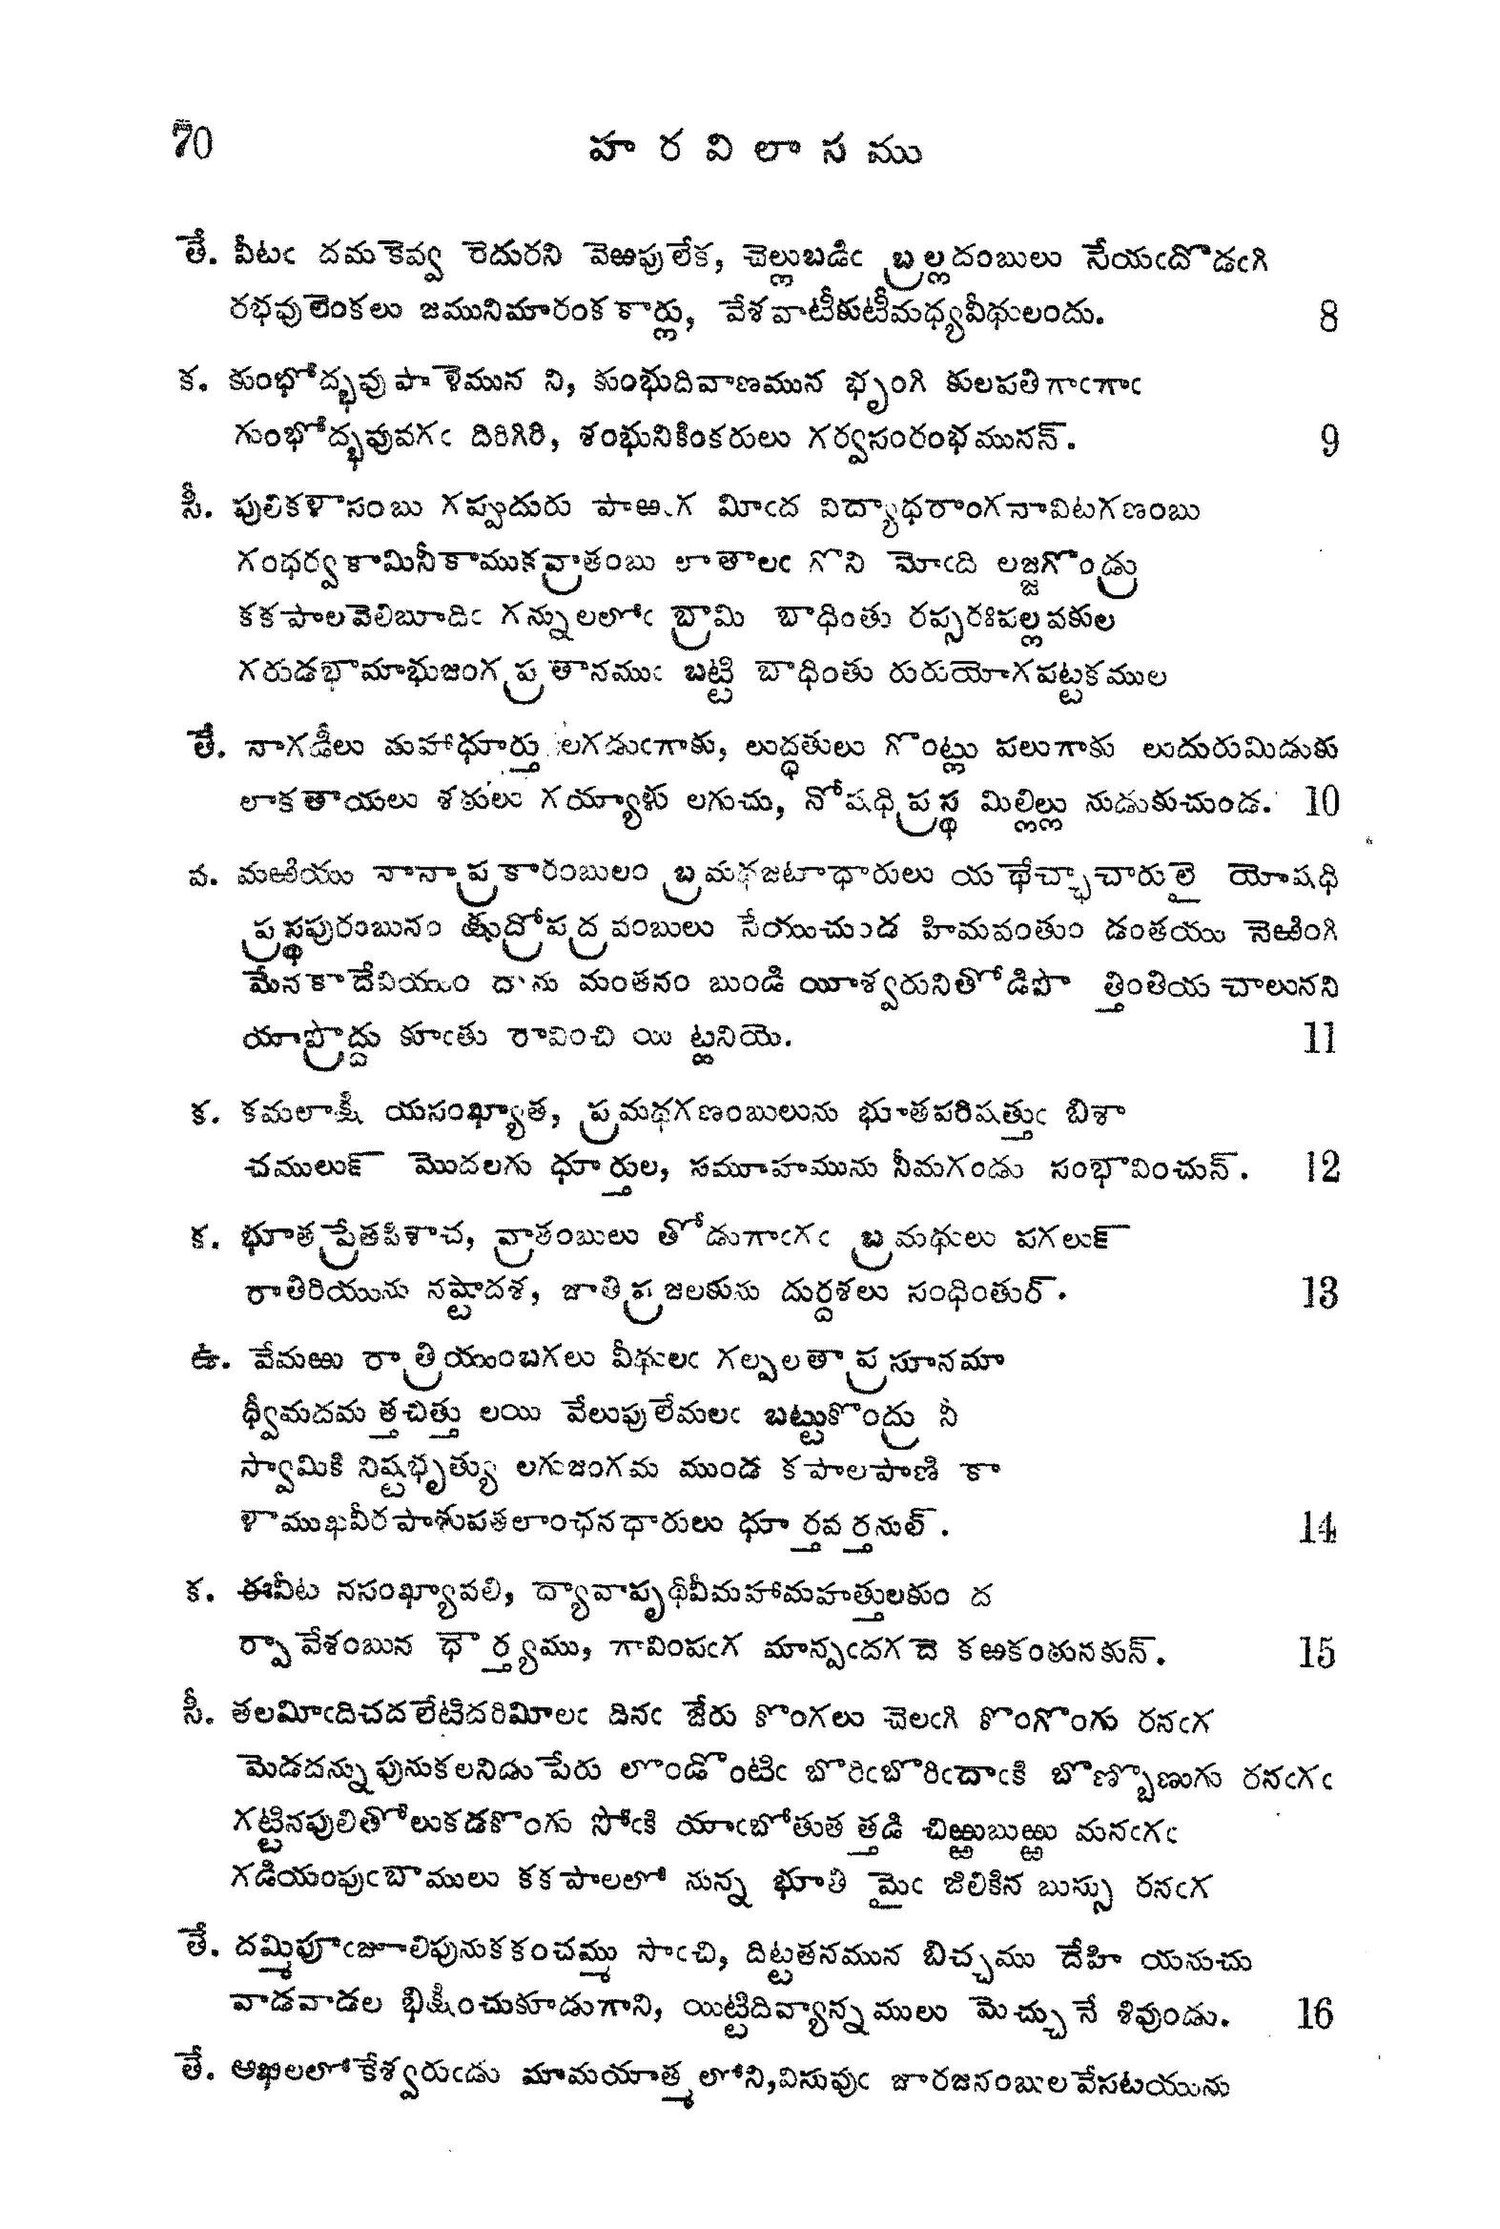తే. వీటఁ దమ కెవ్వ రెదురని వెఱపు లేక, చెల్లుబడిఁ బ్రల్లదంబులు సేయఁదొడఁగి
రభవులెంకలు జమునిమారంకకార్లు, వేశవాటికుటీమధ్యవీథులందు. 8

క. కుంభోద్భవుపాళెమున ని, కుంభుదివాణమున భృంగి కులపతి గాఁగాఁ
గుంభోద్భవువగఁ దిరిగిరి, శంభునికింకరులు గర్వసంరంభమునన్. 9

సీ. పులికళాసంబు గప్పుదురు పాఱఁగ మీఁద విద్యాధరాంగనావిటగణంబు
గంధర్వకామినీకాముకవ్రాతంబు లాతాలఁ గొని మోఁది లజ్జగొండ్రు
కకపాలవెలిబూదిఁ గన్నులలోఁ బ్రామి బాధింతు రప్పరఃపల్లవకుల
గరుడభామాభుజంగప్రతానముఁ బట్టి బాధింతు రురుయోగపట్టకముల
తే. నాగడీలు మహాధూర్తు లగడుఁగాకు, లుధ్ధతులు గొంట్లు పలుగాకు లుదురుమిడుకు
లాకతాయలు శకులు గయ్యాళు లగుచు, నోషధిప్రస్థ మిల్లిల్లు నుడుకుచుండ. 10

వ. మఱియు నానాప్రకారంబులం బ్రమభ్రజటాధారులు యథేచ్ఛాచారులై యోషధిప్రస్థపురంబునం క్షుద్రోపద్రవంబులు సేయుచుండ హిమవంతుం డంతయు నెఱింగి మేనకాదేవియుం దాను మంతనం బుండి యీశ్వరునితోడిపొ త్తింతియ చాలునని యాప్రొద్దు కూఁతు రావించి యి ట్లనియె. ll

క. కమలాక్షీ యసంఖ్యాత, ప్రమథగణంబులును భూతపరిషత్తుఁ బిశా
చములున్ మొదలగు ధూర్తుల, సమూహమును నీమగండు సంభావించున్. 12

క. భూతప్రేతపిశాచ, వ్రాతంబులు తోడుగాఁగఁ బ్రమథులు పగలున్
రాతిరియును నష్టాదశ, జాతిప్రజలకును దుర్దశలు సంధింతుర్. 13

ఉ. వేమఱు రాత్రియుంబగలు వీథులఁ గల్పలతాప్రసూనమా
ధ్వీమదమత్తచిత్తు లయి వేలుపులేమలఁ బట్టుకొంద్రు నీ
స్వామికి నిష్టభృత్యు లగుజంగమ ముండ కపాలపాణి కా
ళాముఖవీరపాశుపతలాంఛనధారులు ధూర్తవర్తనుల్. 14

క. ఈవీట నసంఖ్యావలి, ద్యావాపృథివీమహామహత్తులకుం ద
ర్పావేశంబున ధౌర్త్యము, గావింపఁగ మాన్పఁదగదె కఱకంఠునకున్. 15

సీ. తలమీఁదిచదలేటిదరిమీలఁ దినఁ జేరు కొంగలు చెలఁగి కొంగొంగు రనఁగ
మెడదన్నుపునుకలనిడుపేరు లొండొంటిఁ బొరిఁబొరిఁదాఁకి బొణ్బొణుగు రనఁగఁ
గట్టినపులితోలుకడకొంగు సోఁకి యాఁబోతుతత్తడి చిఱ్ఱుబుఱ్ఱు మనఁగఁ
గడియంపుఁబాములు కకపాలలో నున్న భూతి మైఁ జిలికిన బుస్సు రనఁగ
తే. దమ్మిపూఁజూలిపునుకకంచమ్ము సాఁచి, దిట్టతనమున బిచ్చము దేహి యనుచు
వాడవాడల భిక్షించుకూడుగాని, యిట్టిదివ్యాన్నములు మెచ్చునే శివుండు. 16

తే. అఖిలలోకేశ్వరుఁడు మామయాత్మలోని, విసువుఁ జారజనంబులవేసటయును